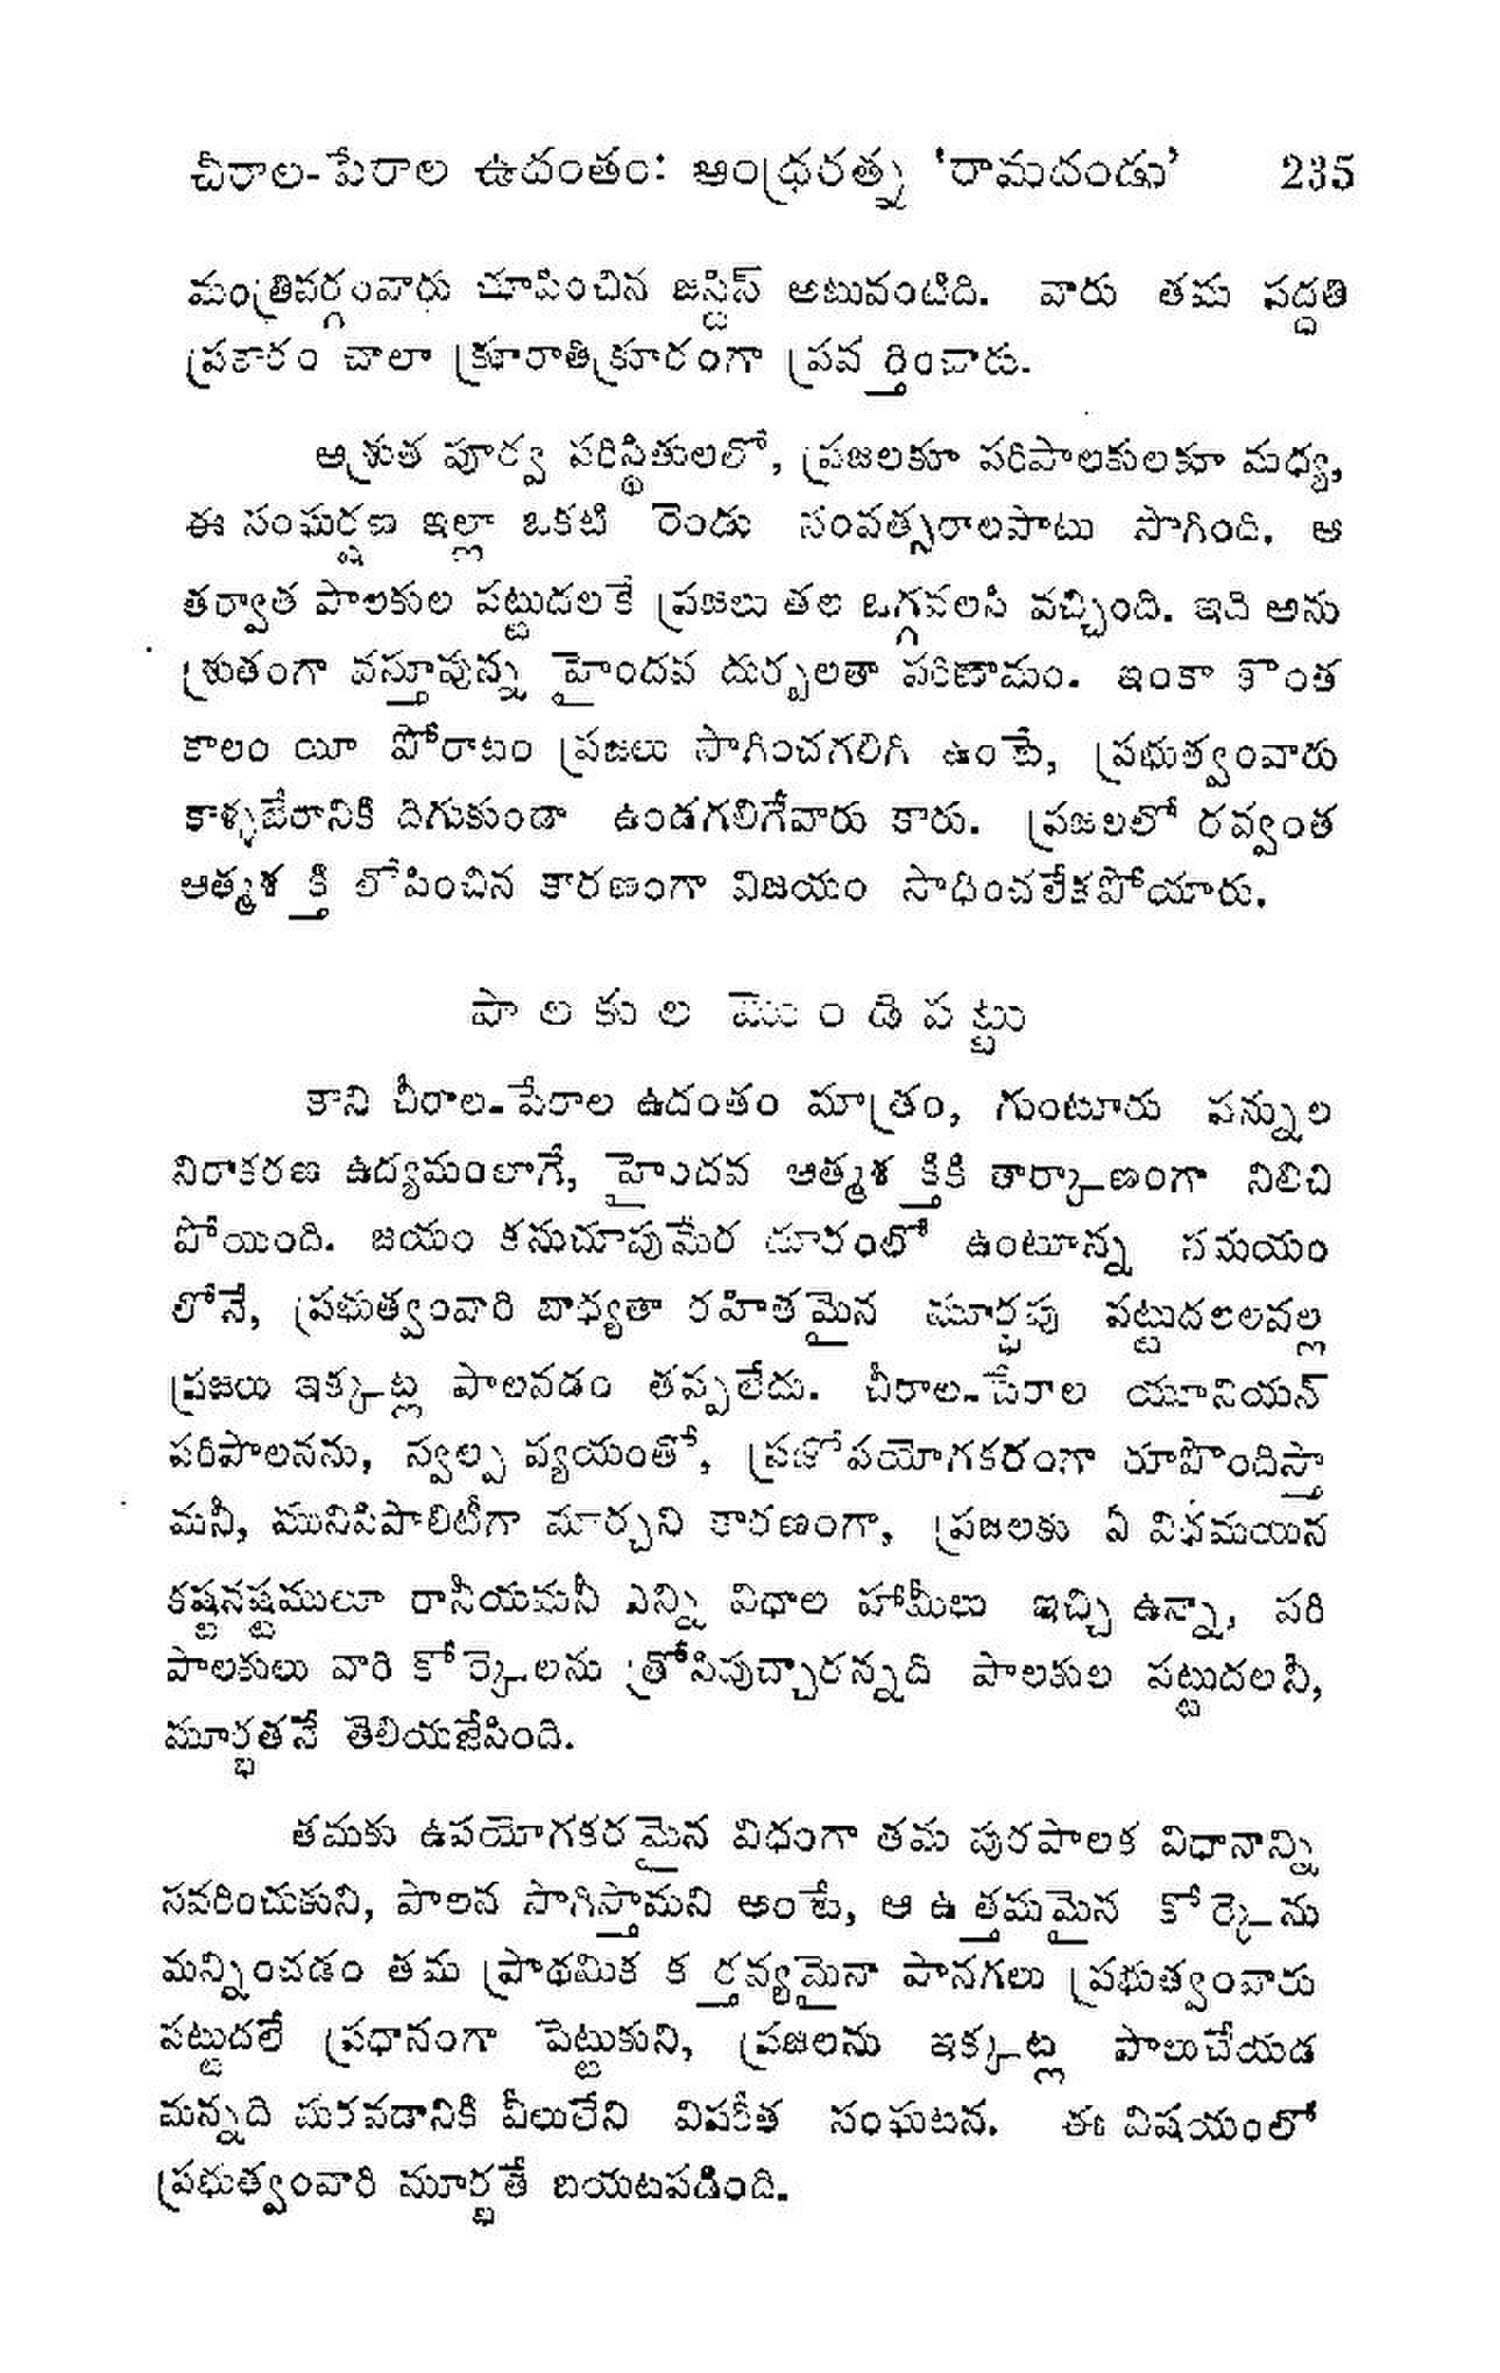మంత్రివర్గంవారు చూపించిన జస్టిస్ అటువంటిది. వారు తమ పద్ధతి ప్రకారం చాలా క్రూరాతిక్రూరంగా ప్రవర్తించారు. 

అశ్రుత పూర్వ పరిస్థితులలో, ప్రజలకూ పరిపాలకులకూ మధ్య, ఈ సంఘర్షణ ఇల్లా ఒకటి రెండు సంవత్సరాలపాటు సాగింది. ఆ తర్వాత పాలకుల పట్టుదలకే ప్రజలు తల ఒగ్గవలసి వచ్చింది. ఇది అనుశ్రుతంగా వస్తూవున్న హైందవ దుర్బలతా పరిణామం. ఇంకా కొంత కాలం యీ పోరాటం ప్రజలు సాగించగలిగి ఉంటే, ప్రభుత్వంవారు కాళ్ళబేరానికి దిగికుండా ఉండగలిగేవారు కారు. ప్రజలలో రవ్వంత ఆత్మశక్తి లోపించిన కారణంగా విజయం సాధించలేకపోయారు.

కాని చీరాల-పేరాల ఉదంతం మాత్రం గుంటూరు పన్నుల నిరాకరణ ఉద్యమంలాగే, హైందవ ఆత్మశక్తికి తార్కాణంగా నిలిచి పోయింది. జయం కనుచూపుమేర దూరంలో ఉంటూన్న సమయంలోనే, ప్రభుత్వంవారి బాధ్యతా రహితమైన మూర్ఖపు పట్టుదలవల్ల ప్రజలు ఇక్కట్ల పాలవడం తప్పలేదు. చీరాల-పేరాల యూనియన్ పరిపాలనను, స్వల్ప వ్యయంతో, ప్రజోపయోగకరంగా రూపొందిస్తామనీ, మునిసిపాలిటీగా మార్చని కారణంగా, ప్రజలకు ఏ విధమయిన కష్టనష్టములూ రానీయమనీ ఎన్ని విధాల హామీలు ఇచ్చి ఉన్నా, పరిపాలకులు వారి కోర్కెలను త్రోసిపుచ్చారన్నది పాలకుల పట్టుదలనీ, మూర్ఖతనే తెలియజేసింది.

తమకు ఉపయోగకరమైన విధంగా తమ పురపాలక విధానాన్ని సవరించుకుని, పాలన సాగిస్తామని అంటే, ఆ ఉత్తమమైన కోర్కెను మన్నించడం తమ ప్రాథమిక కర్తవ్యమైనా పానగలు ప్రభుత్వంవారు పట్టుదలే ప్రధానంగా పెట్టుకుని, ప్రజలను ఇక్కట్ల పాలుచేయడ మన్నది మరవడానికి వీలులేని విపరీత సంఘటన. ఈ విషయంలో ప్రభుత్వంవారి మూర్ఖతే బయటపడింది.